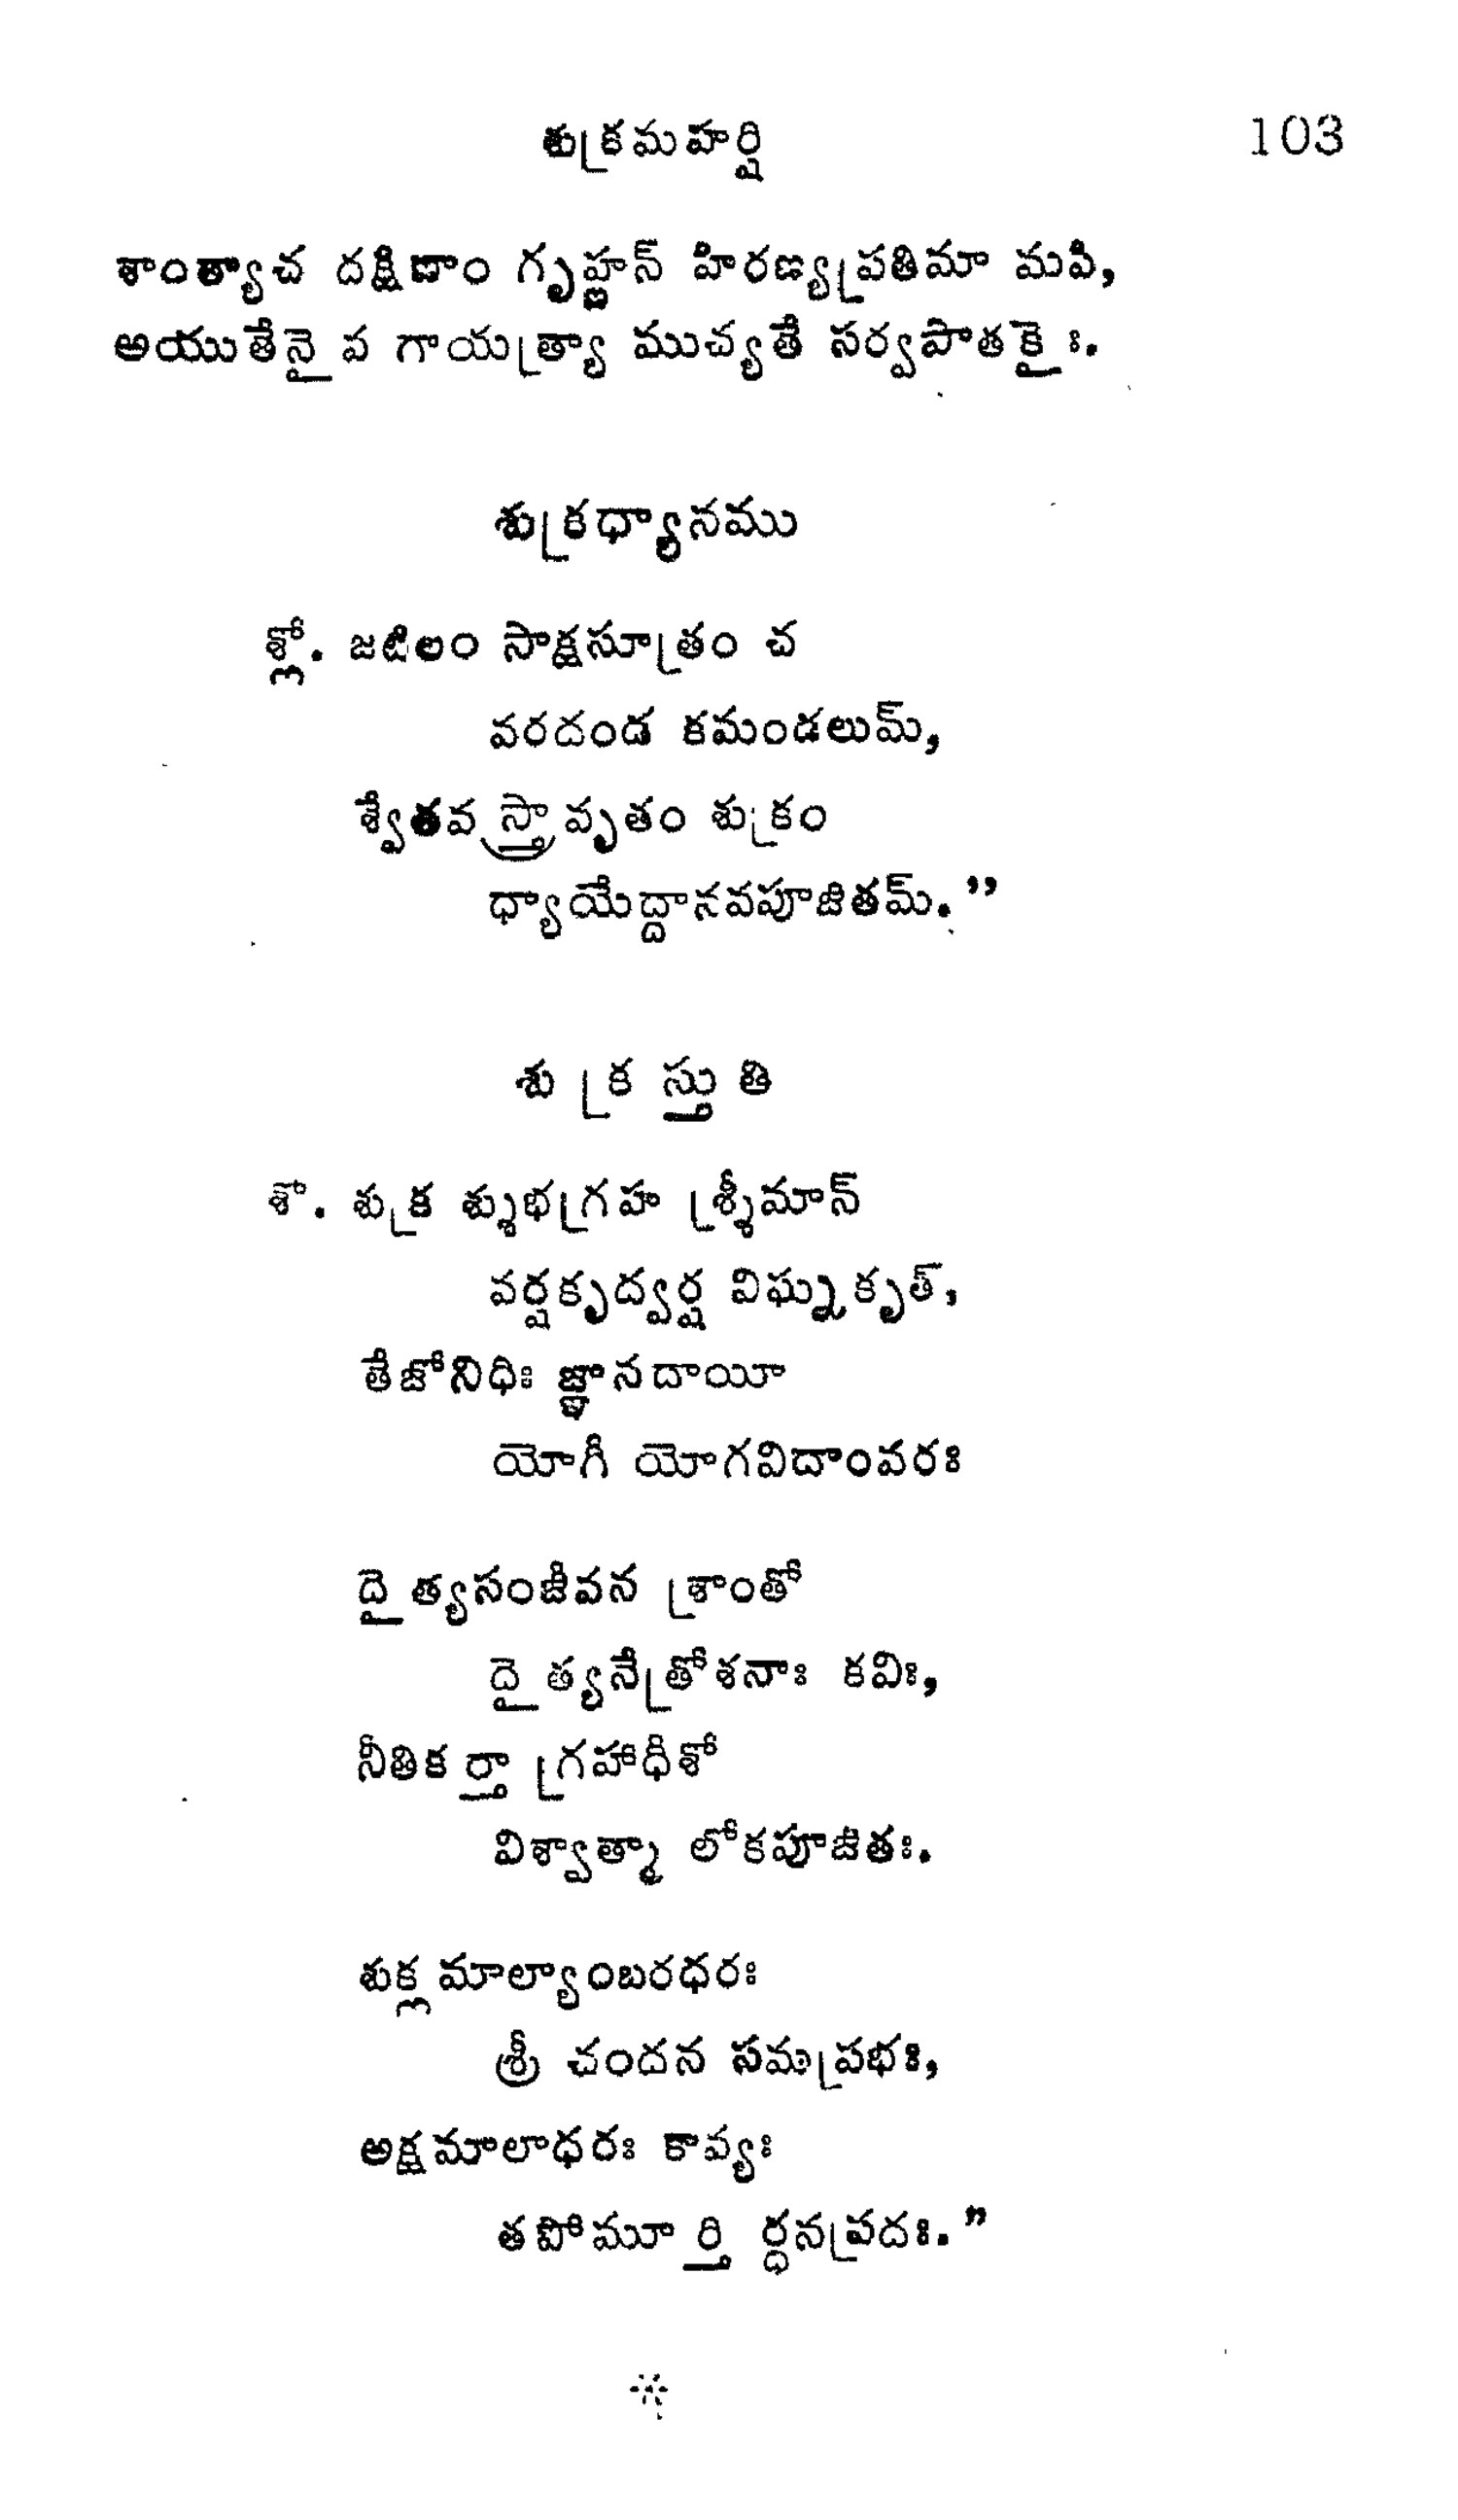శాంత్యాచ దక్షిణాం గృహ్ణన్ హిరణ్యప్రతిమా మపి, 
అయుతేనై వ గాయత్ర్యా ముచ్యతే సర్వపాత కై : .
శుక్రధ్యానము 

శ్లో. జటిలం సాక్షసూత్రం చ
 వరదండ కమండలుమ్, 
 శ్వేతవస్త్రావృతం శుక్రం
 ధ్యాయేద్దానవపూజితమ్.”
శుక్ర స్తుతి 

శ్లో. శుక్ర శ్శుభగ్రహ శ్రీమాన్
 వర్షకృద్వర్ష విఘ్నకృత్, 
 తేజోనిధిః జ్ఞానదాయీ
 యోగి యోగవిదాంవరః 

 దైత్యసంజీవన శ్రాంతో
 దైత్యనేత్రోశనాః కవిః, 
 నీతికర్తా గ్రహాధీశో
 విశ్వాత్మా లోకపూజితః,

 శుక్ల మాల్యాంబరధరః
 శ్రీ చందన సమప్రభః, 
 అక్షమాలాధరః కావ్యః
 తపోమూర్తి ర్ధనప్రదః."